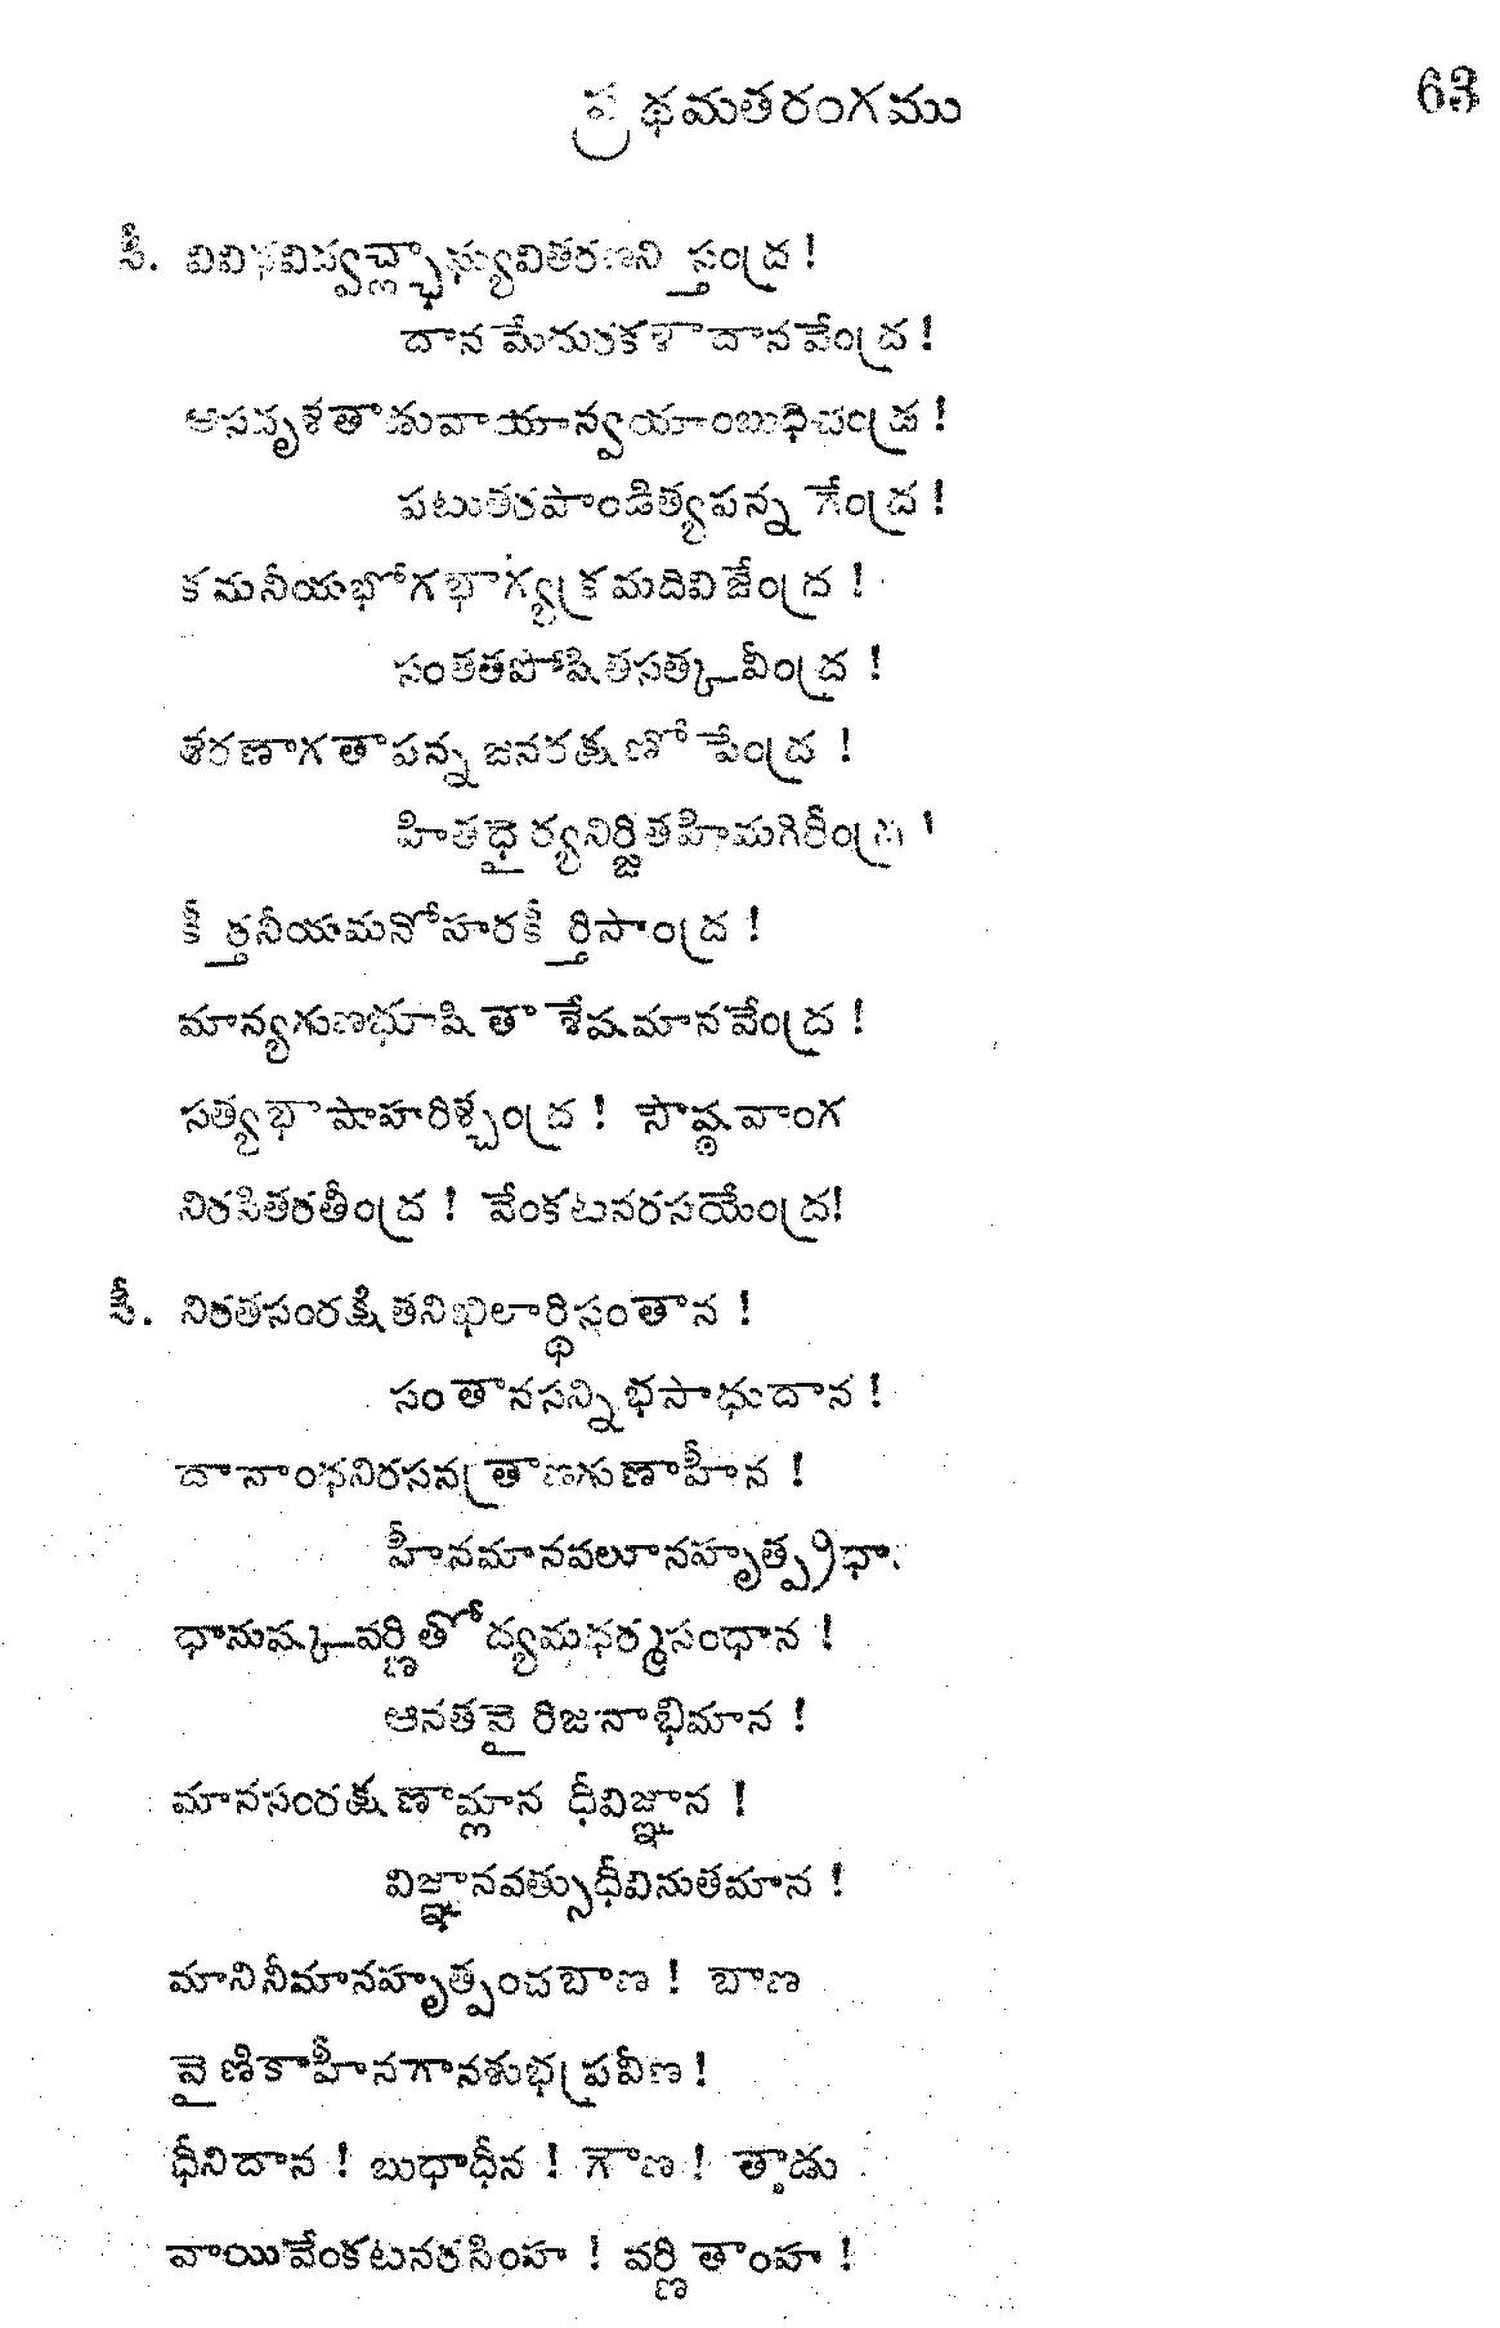సీ. వివిధవిద్వచ్లాఘ్యవితరణనిస్తంద్ర!
 దానమేదురకళాదానవేంద్ర!
 అసదృశతాడువాయాన్వయాంబుధిచంద్ర!
 పటుతరపాండిత్యపన్నగేంద్ర!
 కమనీయభోగభాగ్యక్రమదివిజేంద్ర!
 సంతతపోషితసత్కవీంద్ర!
 శరణాగతాపన్నజనరక్షణోపేంద్ర!
 హితధైర్యనిర్జితహిమగిరీంద్ర!
 కీర్తనీయమనోహరకీర్తిసాంద్ర!
 మాన్యగుణభూషితాశేషమానవేంద్ర!
 సత్యభాషాహరిశ్చంద్ర! సౌష్ఠవాంగ
 నిరసితరతీంద్ర! వేంకటనరసయేంద్ర!

సీ. నిరతసంరక్షితనిఖిలార్థిసంతాన!
 సంతానసన్నిభసాధుదాన!
 దానాంధనిరసనత్రాణగుణాహీన!
 హీనమానవలూనహృత్ప్రధా
 ధానుష్కవర్ణితోద్యమధర్మసంధాన!
 ఆనతవైరిజనాభిమాన!
 మానసంరక్షణామ్లాన ధీవిజ్ఞాన!
 విజ్ఞానవత్సుధీవినుతమాన!
 మానినీమానహృత్పంచబాణ! బాణ
 వైణికాహీనగానశుభప్రవీణ!
 ధీనిదాన! బుధాధీన! గౌణ! తాడు
 వాయివేంకటనరసింహ! వర్ణితాంహ!